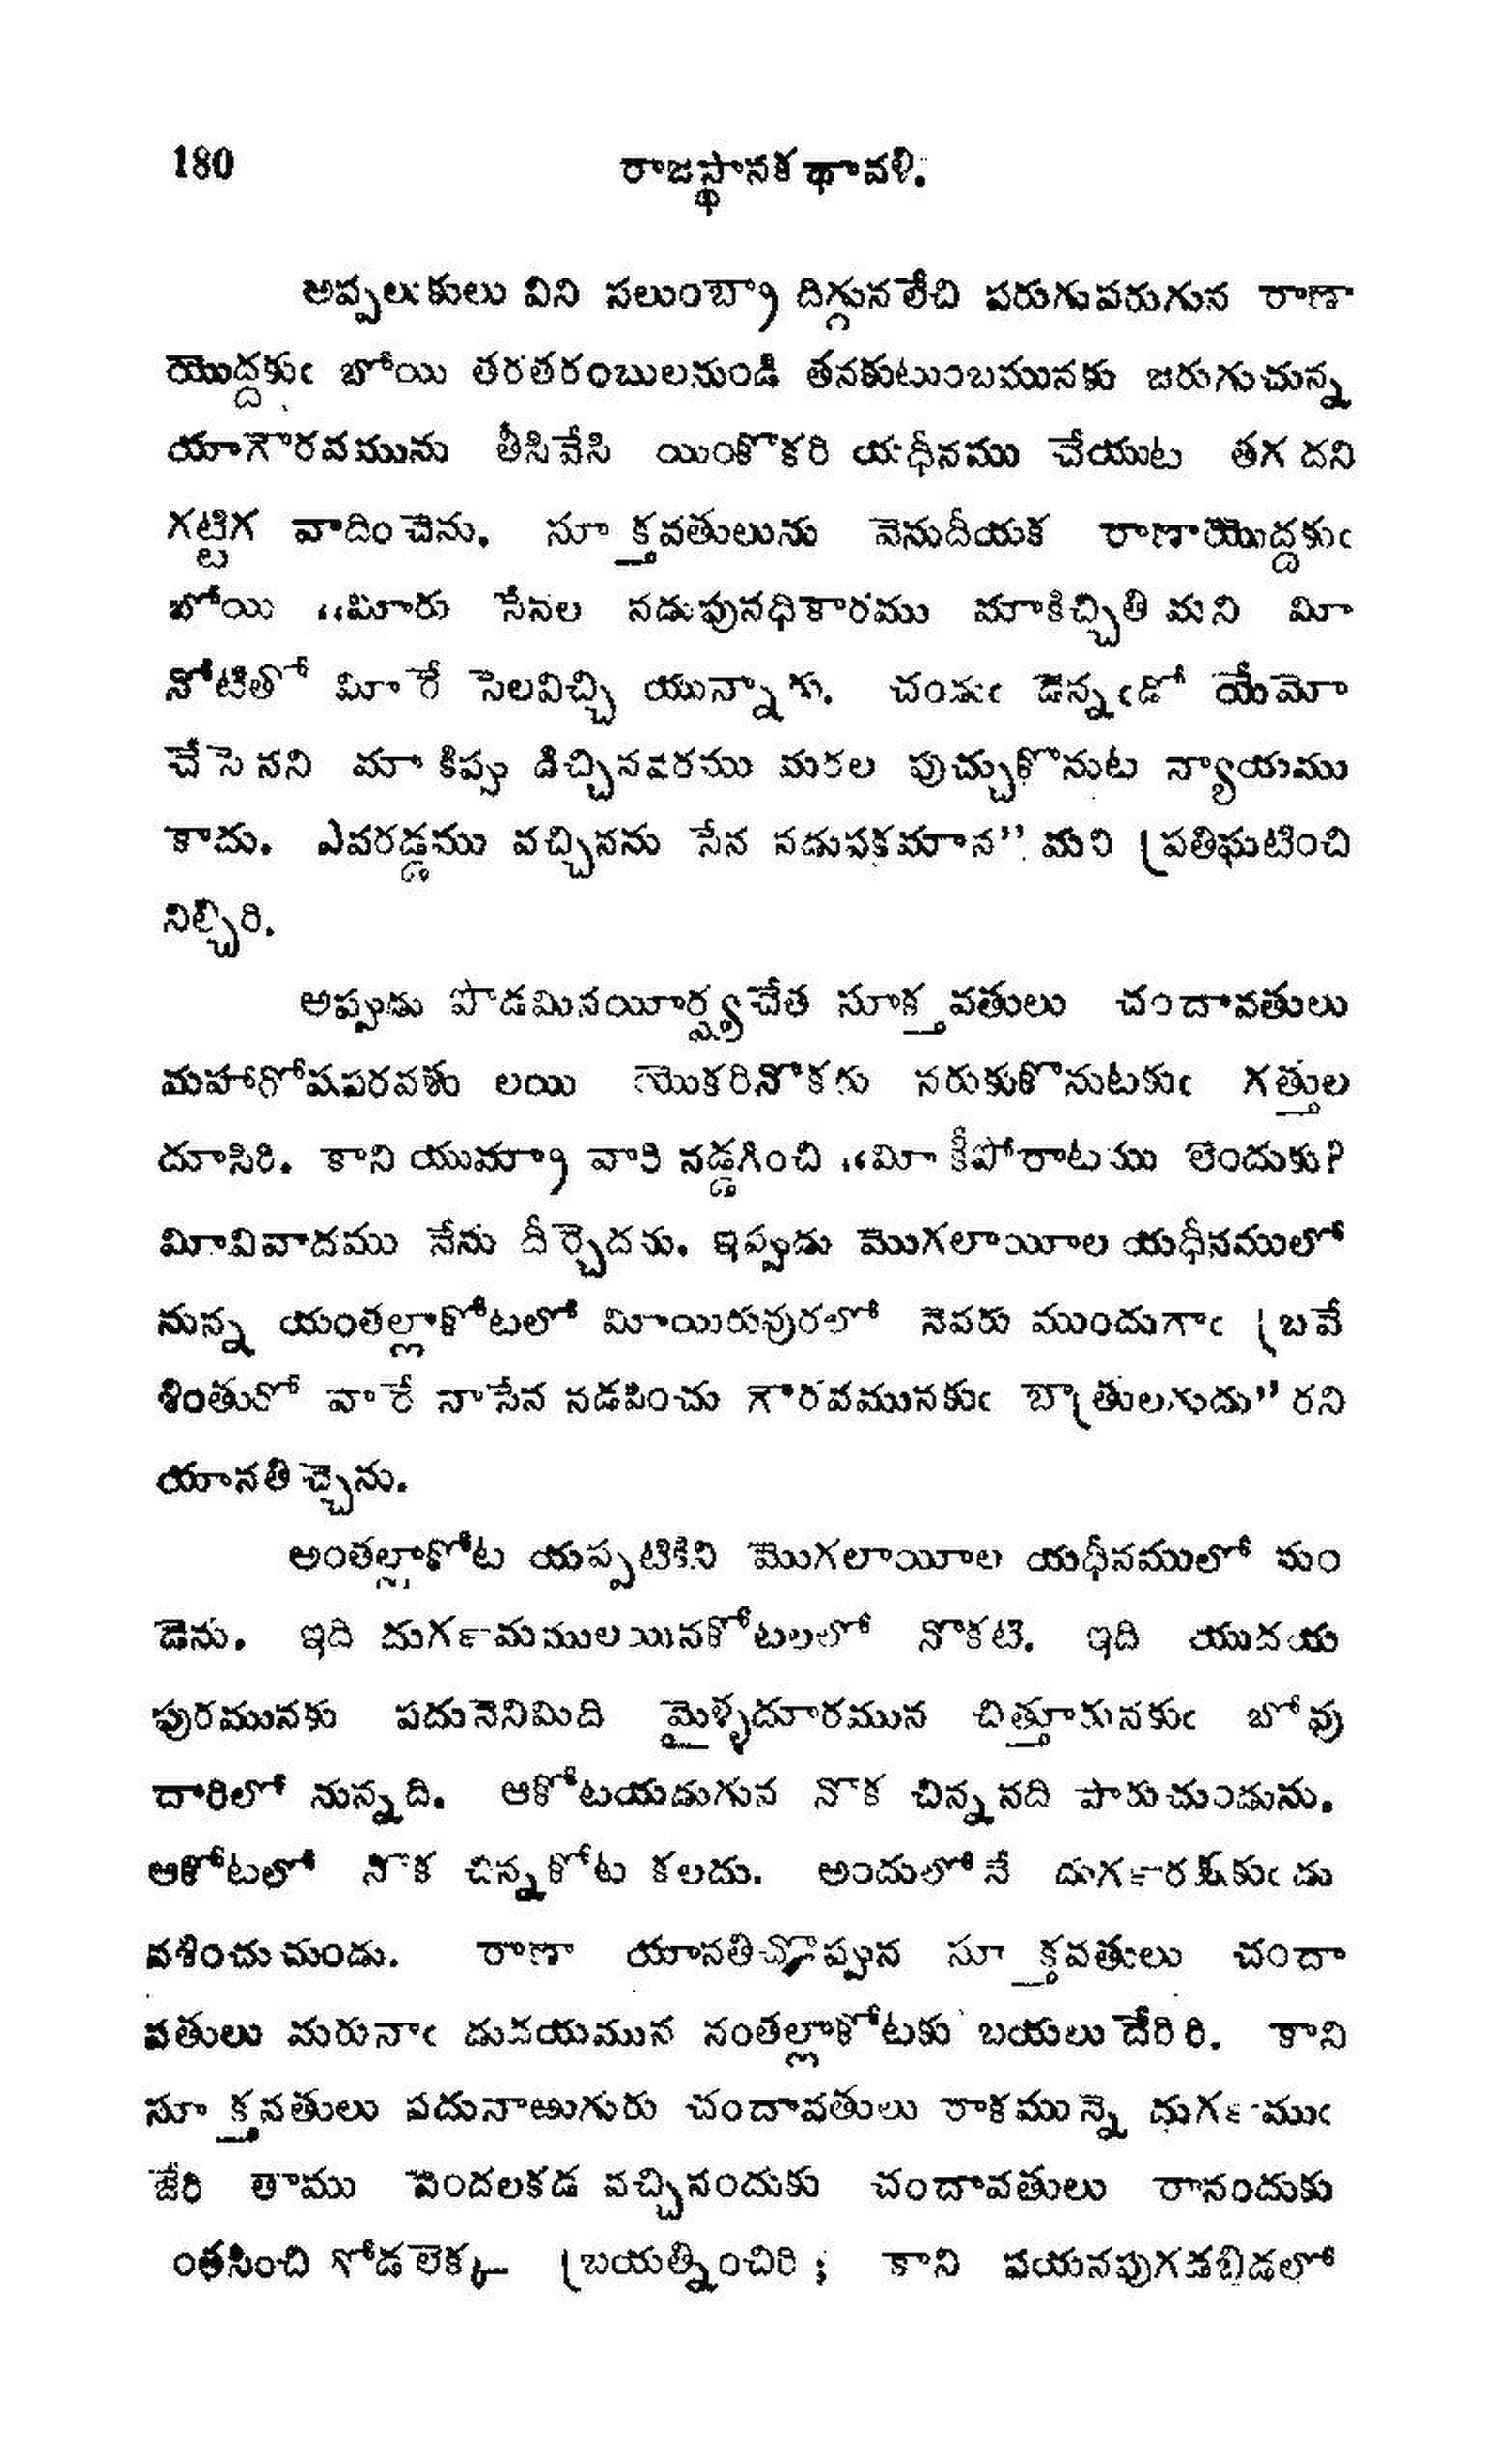అప్పలుకులు విని సలుంబ్రా దిగ్గున లేచి పరుగు పరుగున రాణా యొద్దకుఁ బోయి తరతరంబులనుండి తనకుటుంబమునకు జరుగుచున్న యాగౌరవమును తీసివేసి యింకొకరి యధీనము చేయుట తగదని
గటిగ వాదించేను. సూక్తవతులును వెనుదీయక రాణాయొద్దకుఁ బోయి "మీరు సేనల నడువునధికారము మాకిచ్చితి మని మీనోటితో మీరే సెలవిచ్చి యున్నారు. చండుఁ డెన్నఁడో 'యేమో చేసెనని మా కిప్పు డిచ్చిన వరము మరల పుచ్చుకొనుట న్యాయము కాదు. ఎవరడ్డము వచ్చినను సేన నడుపకమాన”. మని ప్రతిఘటించి నిల్చిరి.

అప్పుడు పొడమినయీర్ష్యచేత సూక్త తులు చందావతులు మహారోషపరవశు లయి యొకరినొకరు నరుకుకొనుటకుఁ గత్తుల దూసిరి. కాని యుమ్రా వారి నడ్డగించి "మీ కీపోరాటము లేందుకు? మీవివాదము నేను దీర్చెదను. ఇప్పుడు మొగలాయీల యధీనములో నున్న యంతల్లా కోటలో మీయిరువురలో నెవరు ముందుగాఁ బ్రవేశింతురో వారే నాసేన నడపించు గౌరవమునకుఁ బాత్రులగుదు” రని యానతిచ్చెను.

అంతల్లాకోట యప్పటికిని 'మొగలాయీల యధీనములో నుండెను. ఇది దుగ౯మములయినకోటలలో నొకటి. ఇది యుదయపురమునకు పదునెనిమిది మైళ్ళదూరమున చిత్తూరునకుఁ బోవు దారిలో నున్నది. ఆకోటయడుగున నొక చిన్న నది పారుచుండును.ఆకోటలో నొక చిన్న కోట కలదు. అందులోనే దుగ౯రక్షకుఁడు
వశించుచుండు. రాణా యానతి చొప్పున సూక్తవతులు చందావతులు మరునాఁ డుదయమున నంతల్లాకోటకు బయలు దేరిరి. కాని సూక్తవతులు పదునాఱుగురు చందావతులు రాకమున్నె దుగ౯ముఁ జేరి తాము పెందలకడ వచ్చినందుకు చందావతులు రానందుకు సంతసించి గోడ లెక్క బ్రయత్నించిరి; కాని పయనపుగడబిడలో